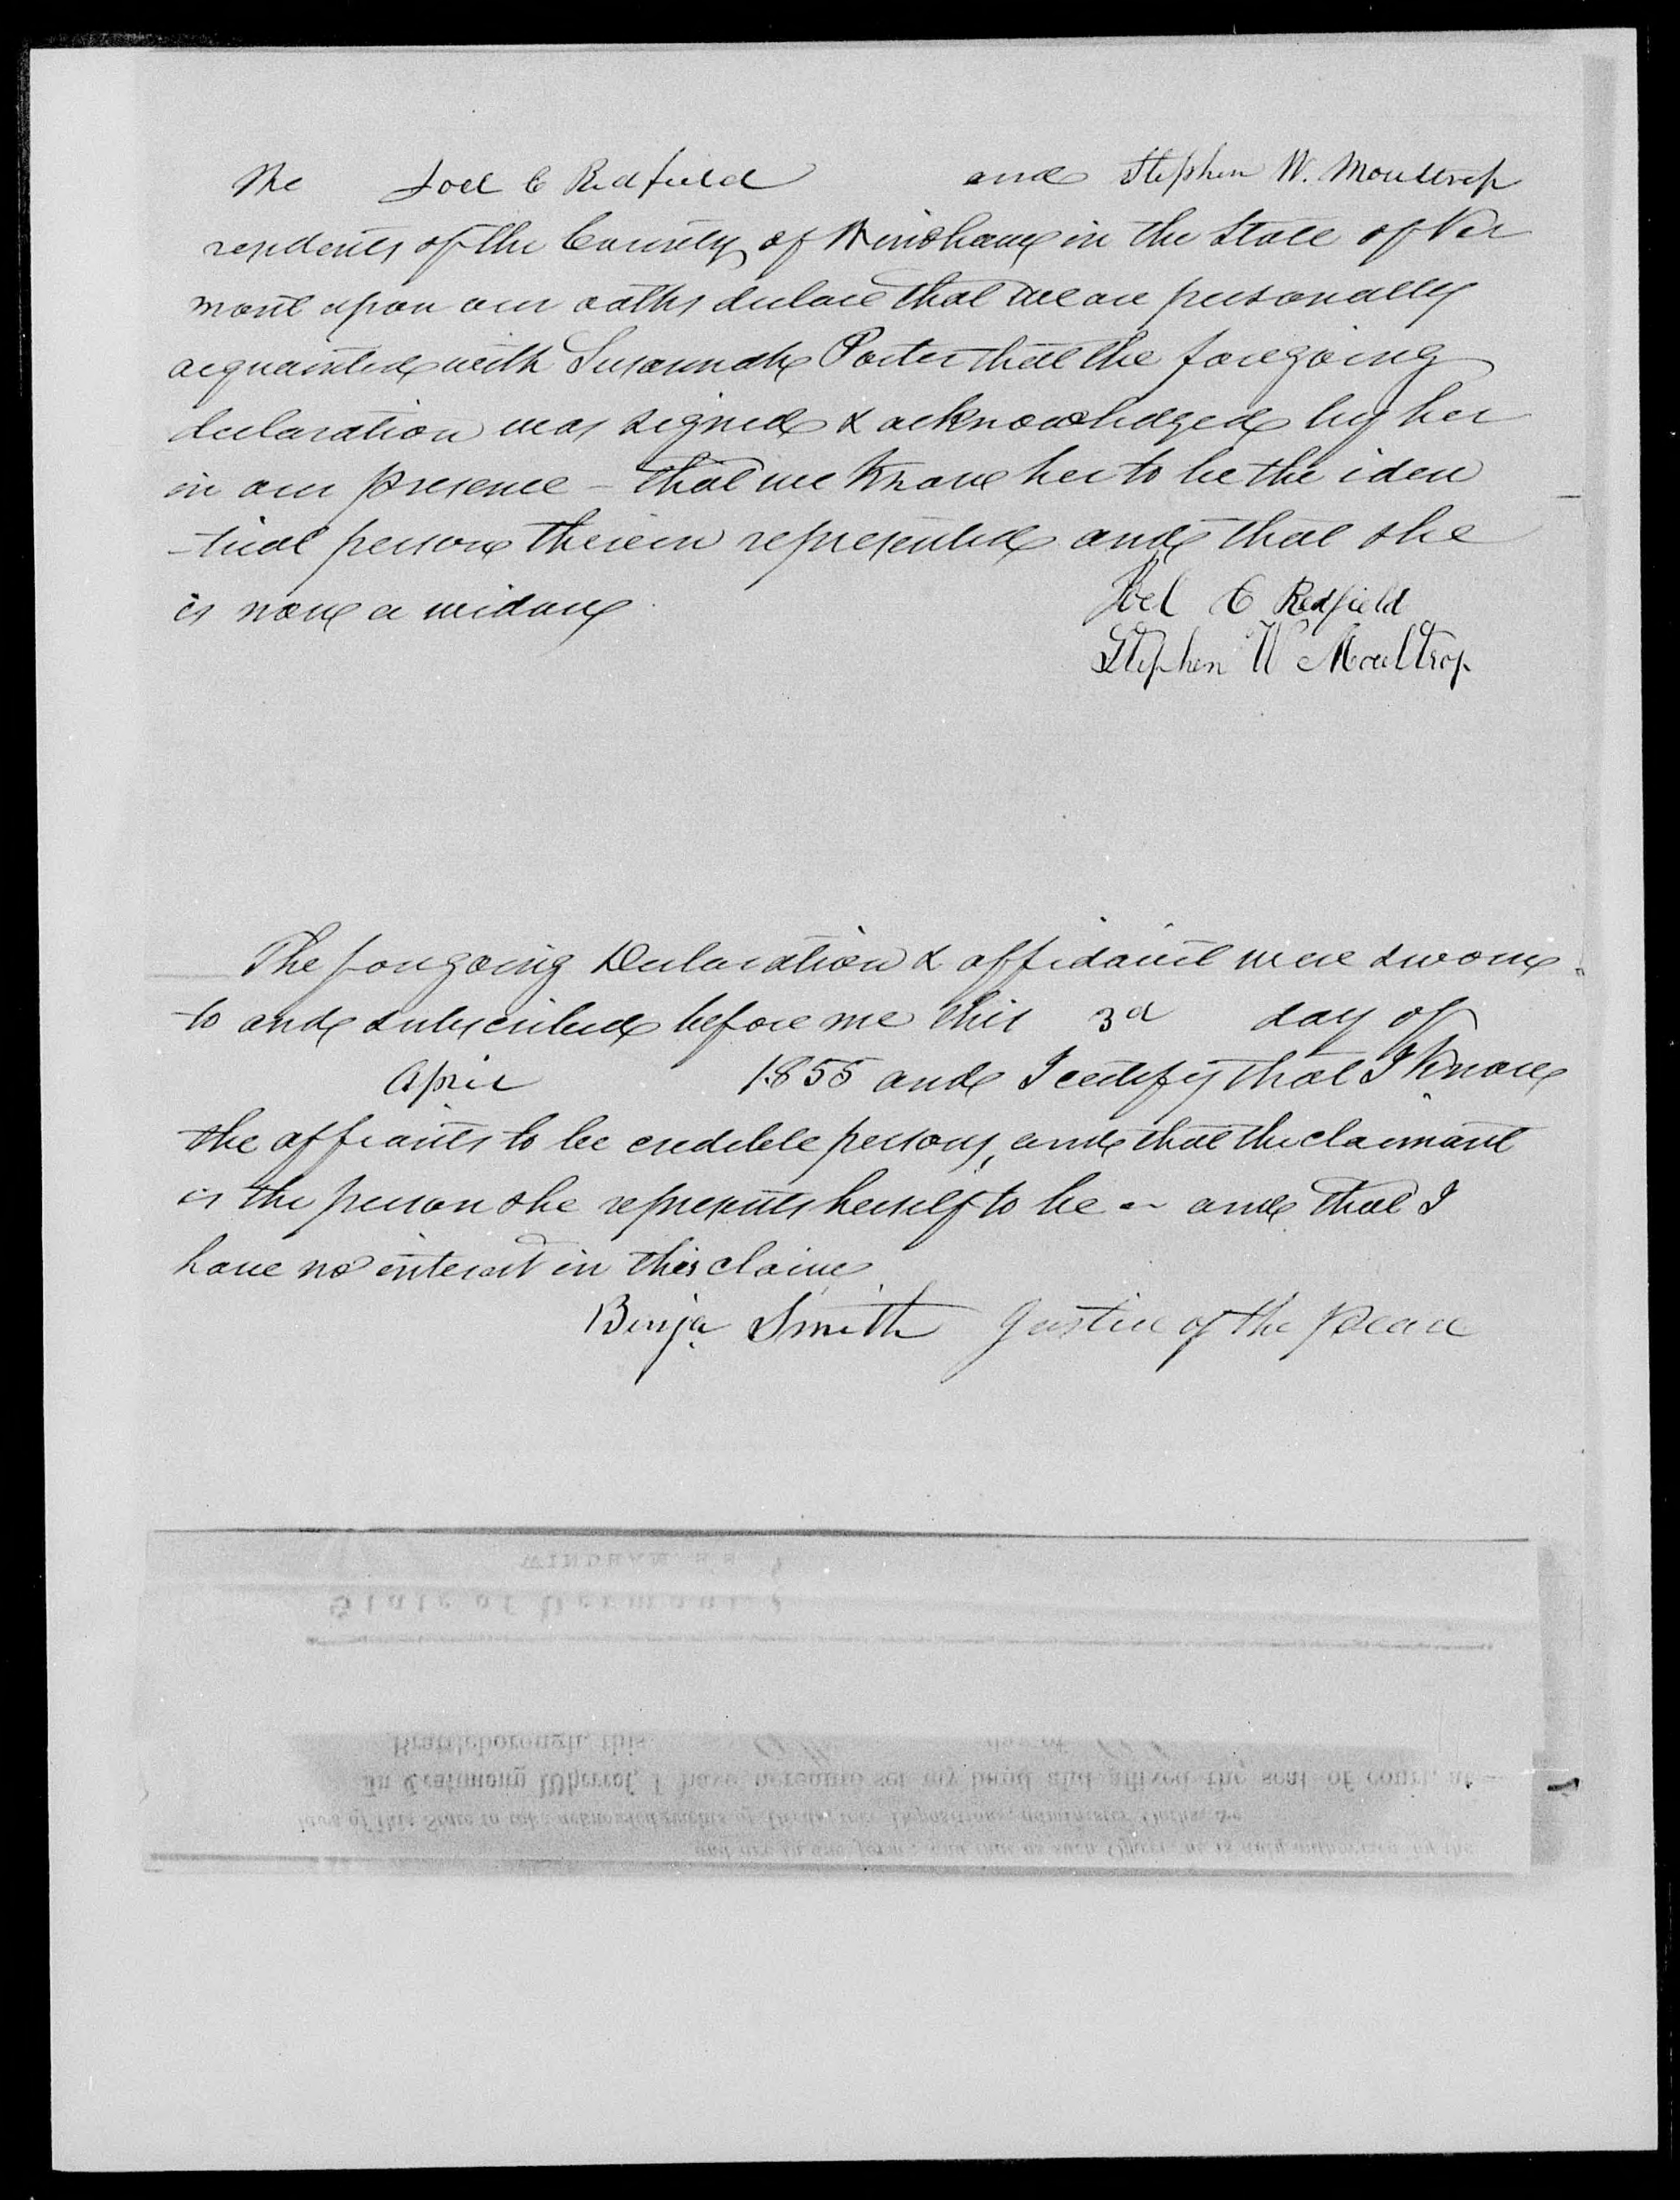We Joel C Redfield and Stephen W. Moultrop residents of the County of Windham in the State of Vermont upon our oaths declare that we are personally acquainted with Susannah Porter that the foregoing declaration was signed & acknowledged by her in our presence - that we know her to be the identical person therein represented and that she is now a widow
Hel C Redfield
Stephen W Moultrop

The foregoing Declaration & affidavit were sworn to and subscribed before me this 3d day of April 1855 and I certify that I know the affiants to be credible persons and that the claimant is the person she represents herself to be - and that I have no interest in this claim.
Banja. Smith Justice of the Peace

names: Stephen W Moultrop; Susannah Porter; Benjn Smith; Joel C Redfield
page: 25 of 49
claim: widow's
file: W. 2164, for George Porter, Massachusetts